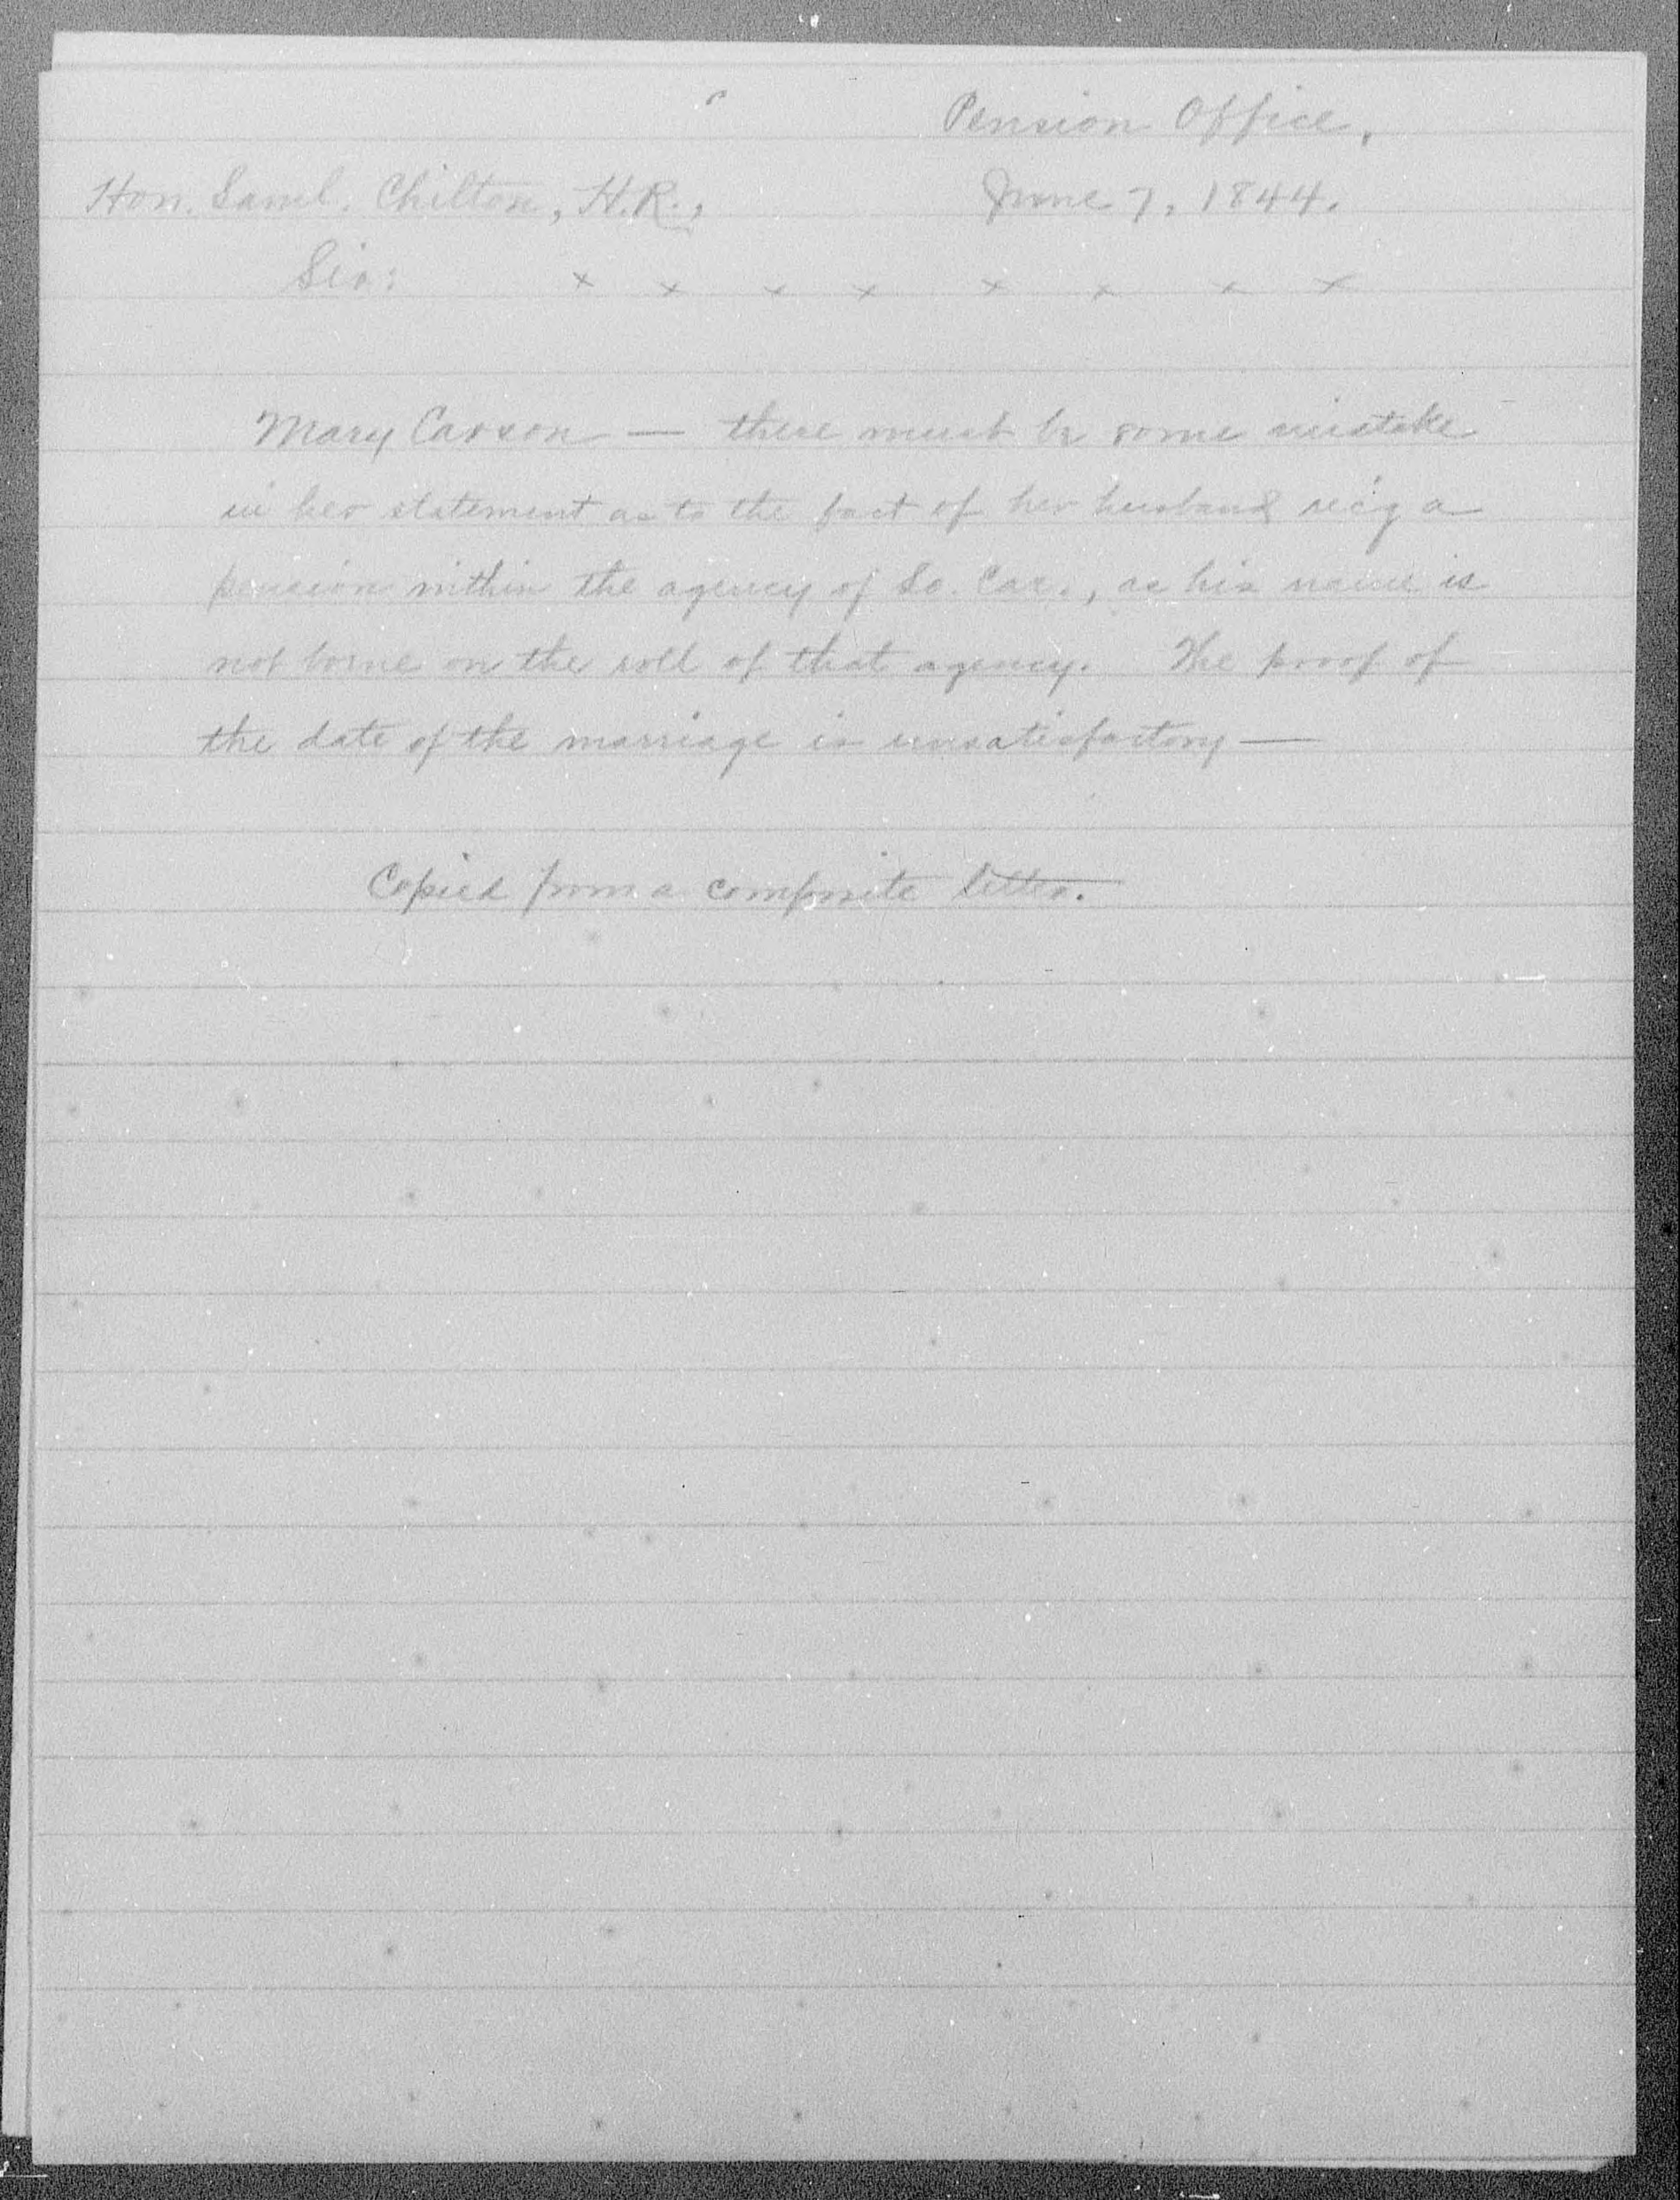Pension Office,
June 7, 1844.
Hon. Saml. Chilton, H. R.
Sir:
Mary Carson - there must be some mistake in her statement as to the fact of her husband recg a pension within the agency of So. Car., as his name is not borne on the roll of that agency. The proof of the date of the marriage is unsatisfactory.

Copied from a composite letter.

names: Mary Carson, Saml Chilton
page: 17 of 34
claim: rejected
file: R. 1,738, Walter Carson, N.C. S.C.